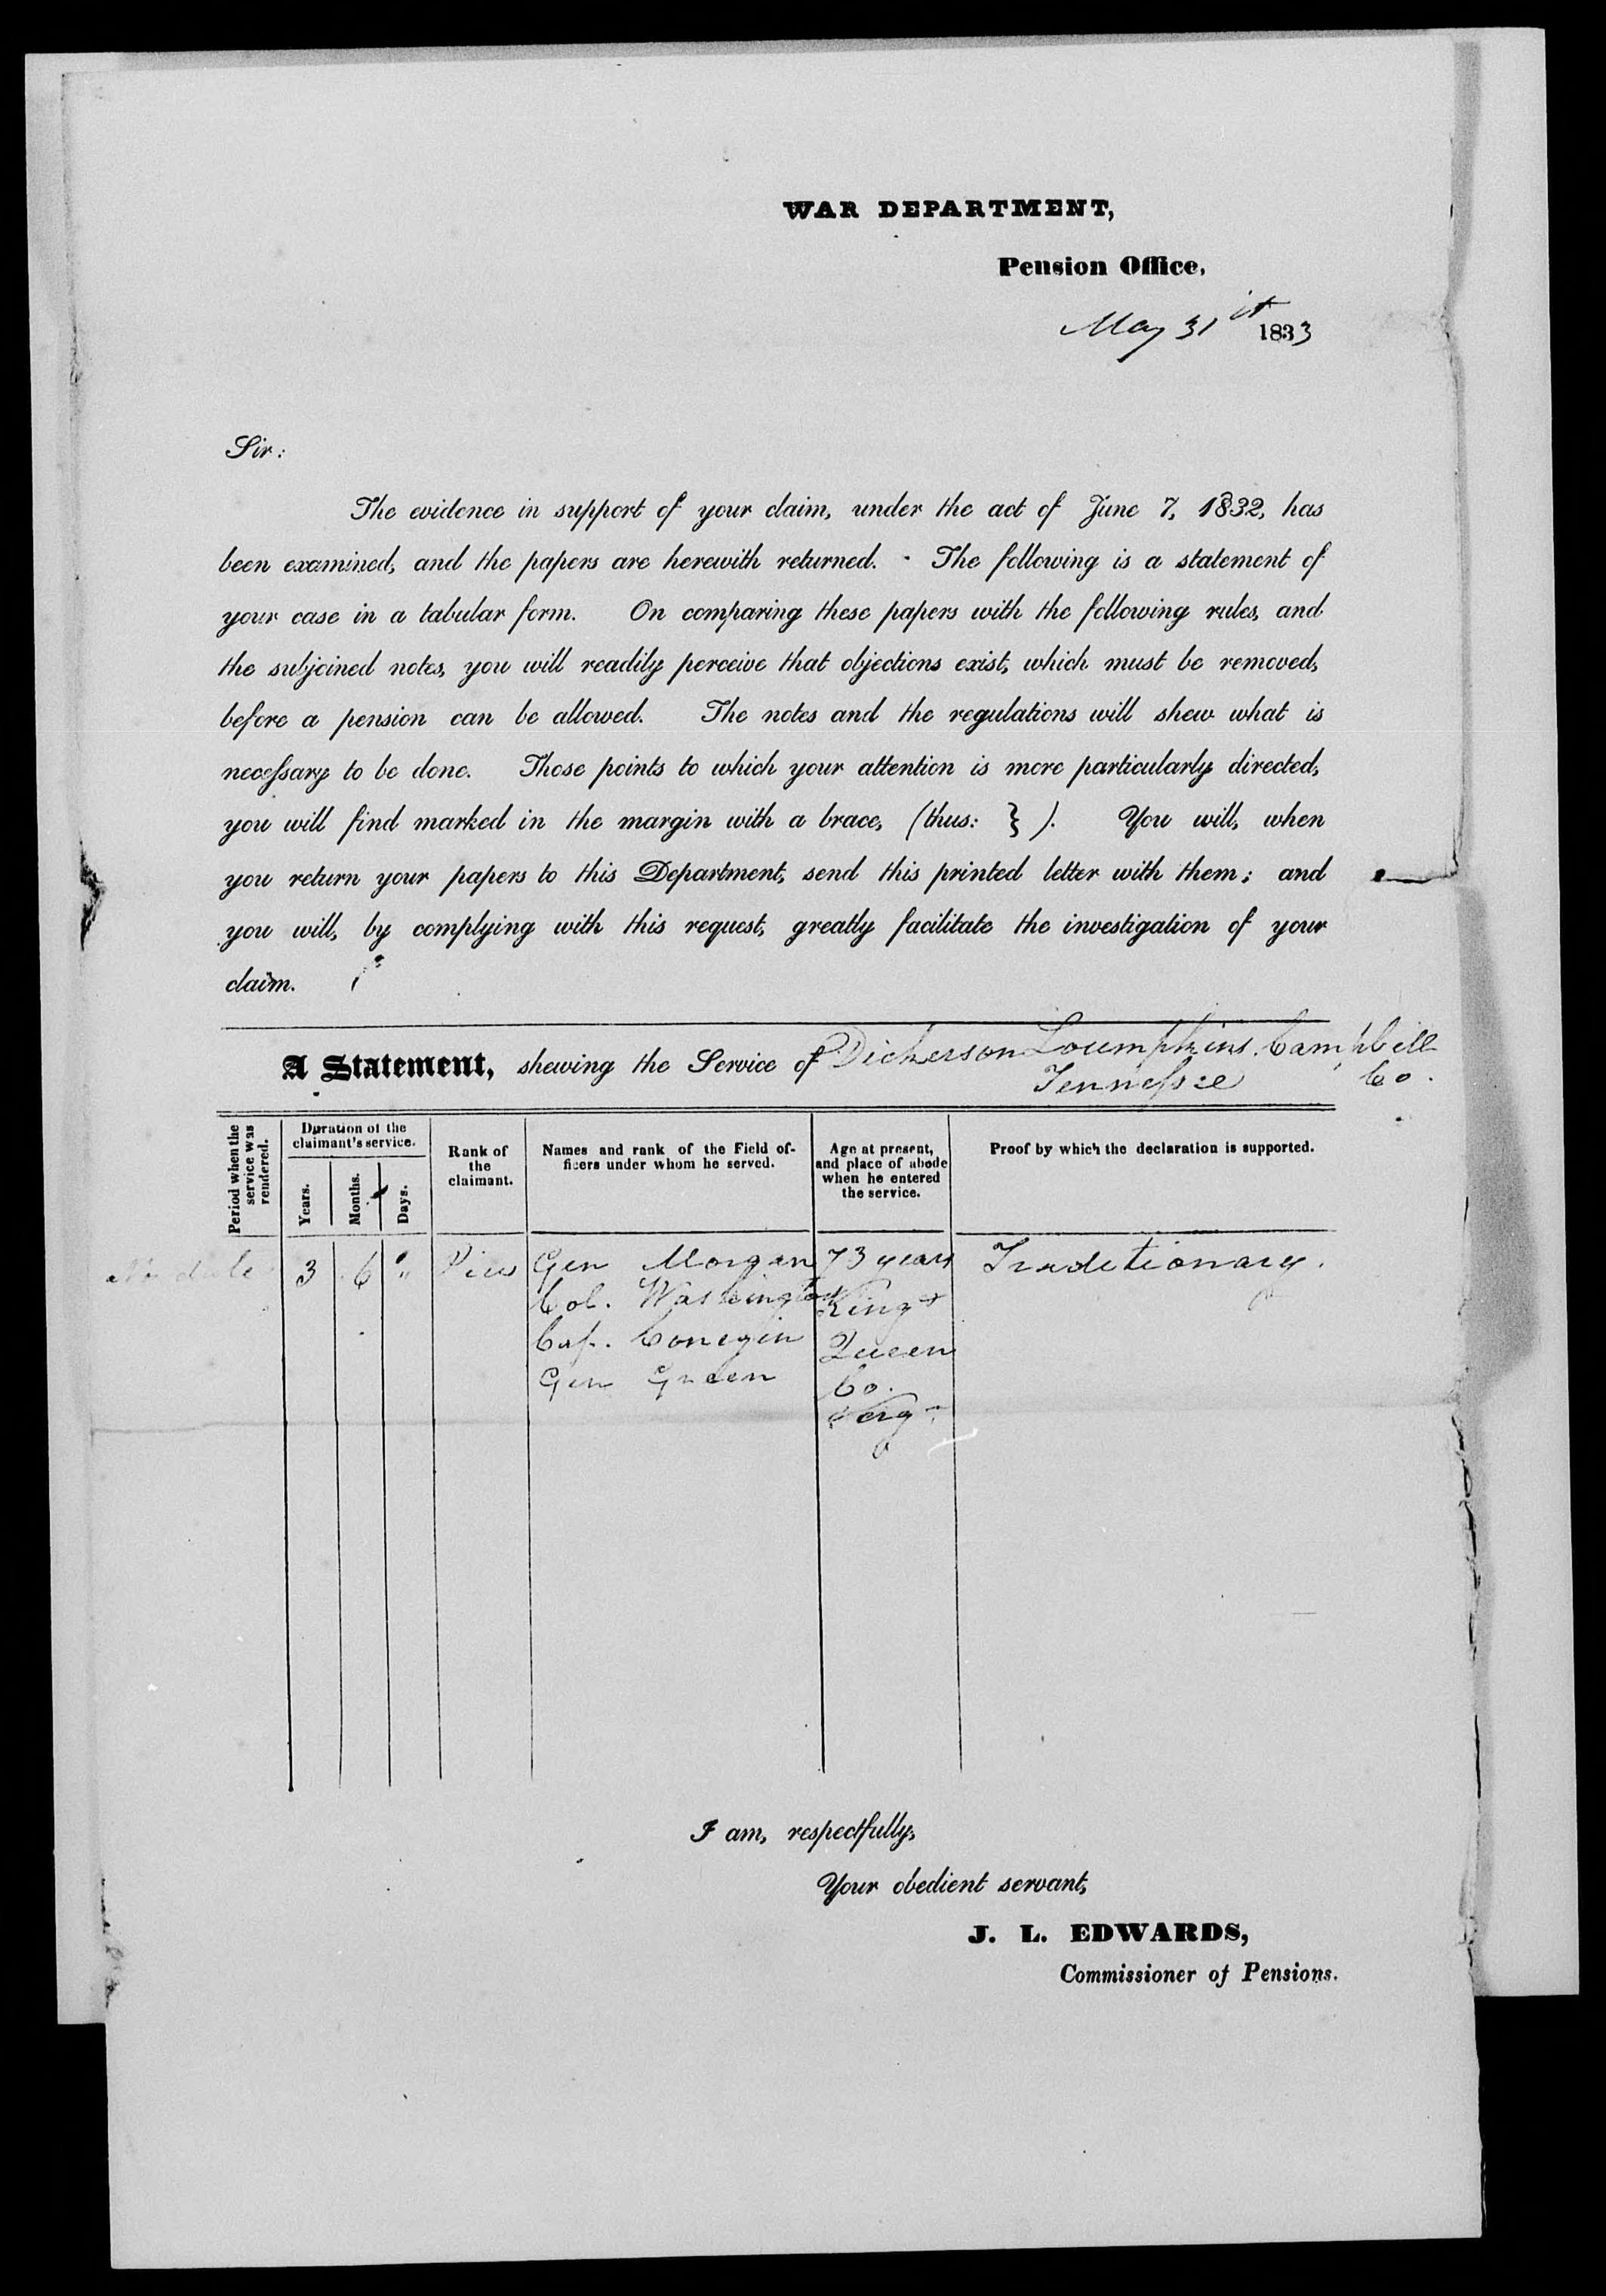(Printed document with handwritten responses)

WAR DEPARTMENT,
Pension Office,
May 31st 1833

Sir:

The evidence in support of your claim, under the act of June 7, 1832, has been examined, and the papers are herewith returned. The following is a statement of your case in a tabular form. On comparing these papers with the following rules, and the subjoined notes, you will readily perceive that objections exist, which must be removed, before a pension can be allowed. The notes and the regulations will shew what is necessary to be done. Those points to which your attention is more particularly directed, you will find marked in the margin with a brace, (thus: ⎬).
You will, when you return your papers to this Department, send this printed letter with them; and you will, by complying with this request, greatly facilitate the investigation of your claim.

A Statement, shewing the Service of Dickerson Lumpkins Campbell Tennessee Co.

Period when the service was rendered. | Duration of the claimant's service. | Years. |Months. | Days. | Rank of the claimant. | Names and rank of the Field officers under whom he served. | Age at present, and place of abode when he entered the service. | Proof by which the declaration is supported.

No date | 3 |6 |' | Prov | Gen. Morgan Col. Washington Cap. Conegin Gen (illegible) | 73 years King + Queens Co. Virg- | Traditionary.

I am, respectfully Your obedient servant,
J.L. Edwards
Commissioner of Pensions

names: [BLANK] Morgan; Dickerson Loumpkins; [BLANK] Conegin; J L Edwards; [BLANK] Washington; [BLANK] Green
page: 15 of 37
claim: rejected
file: R. 6521, for Dickeson Lumpkin, Pennsylvania